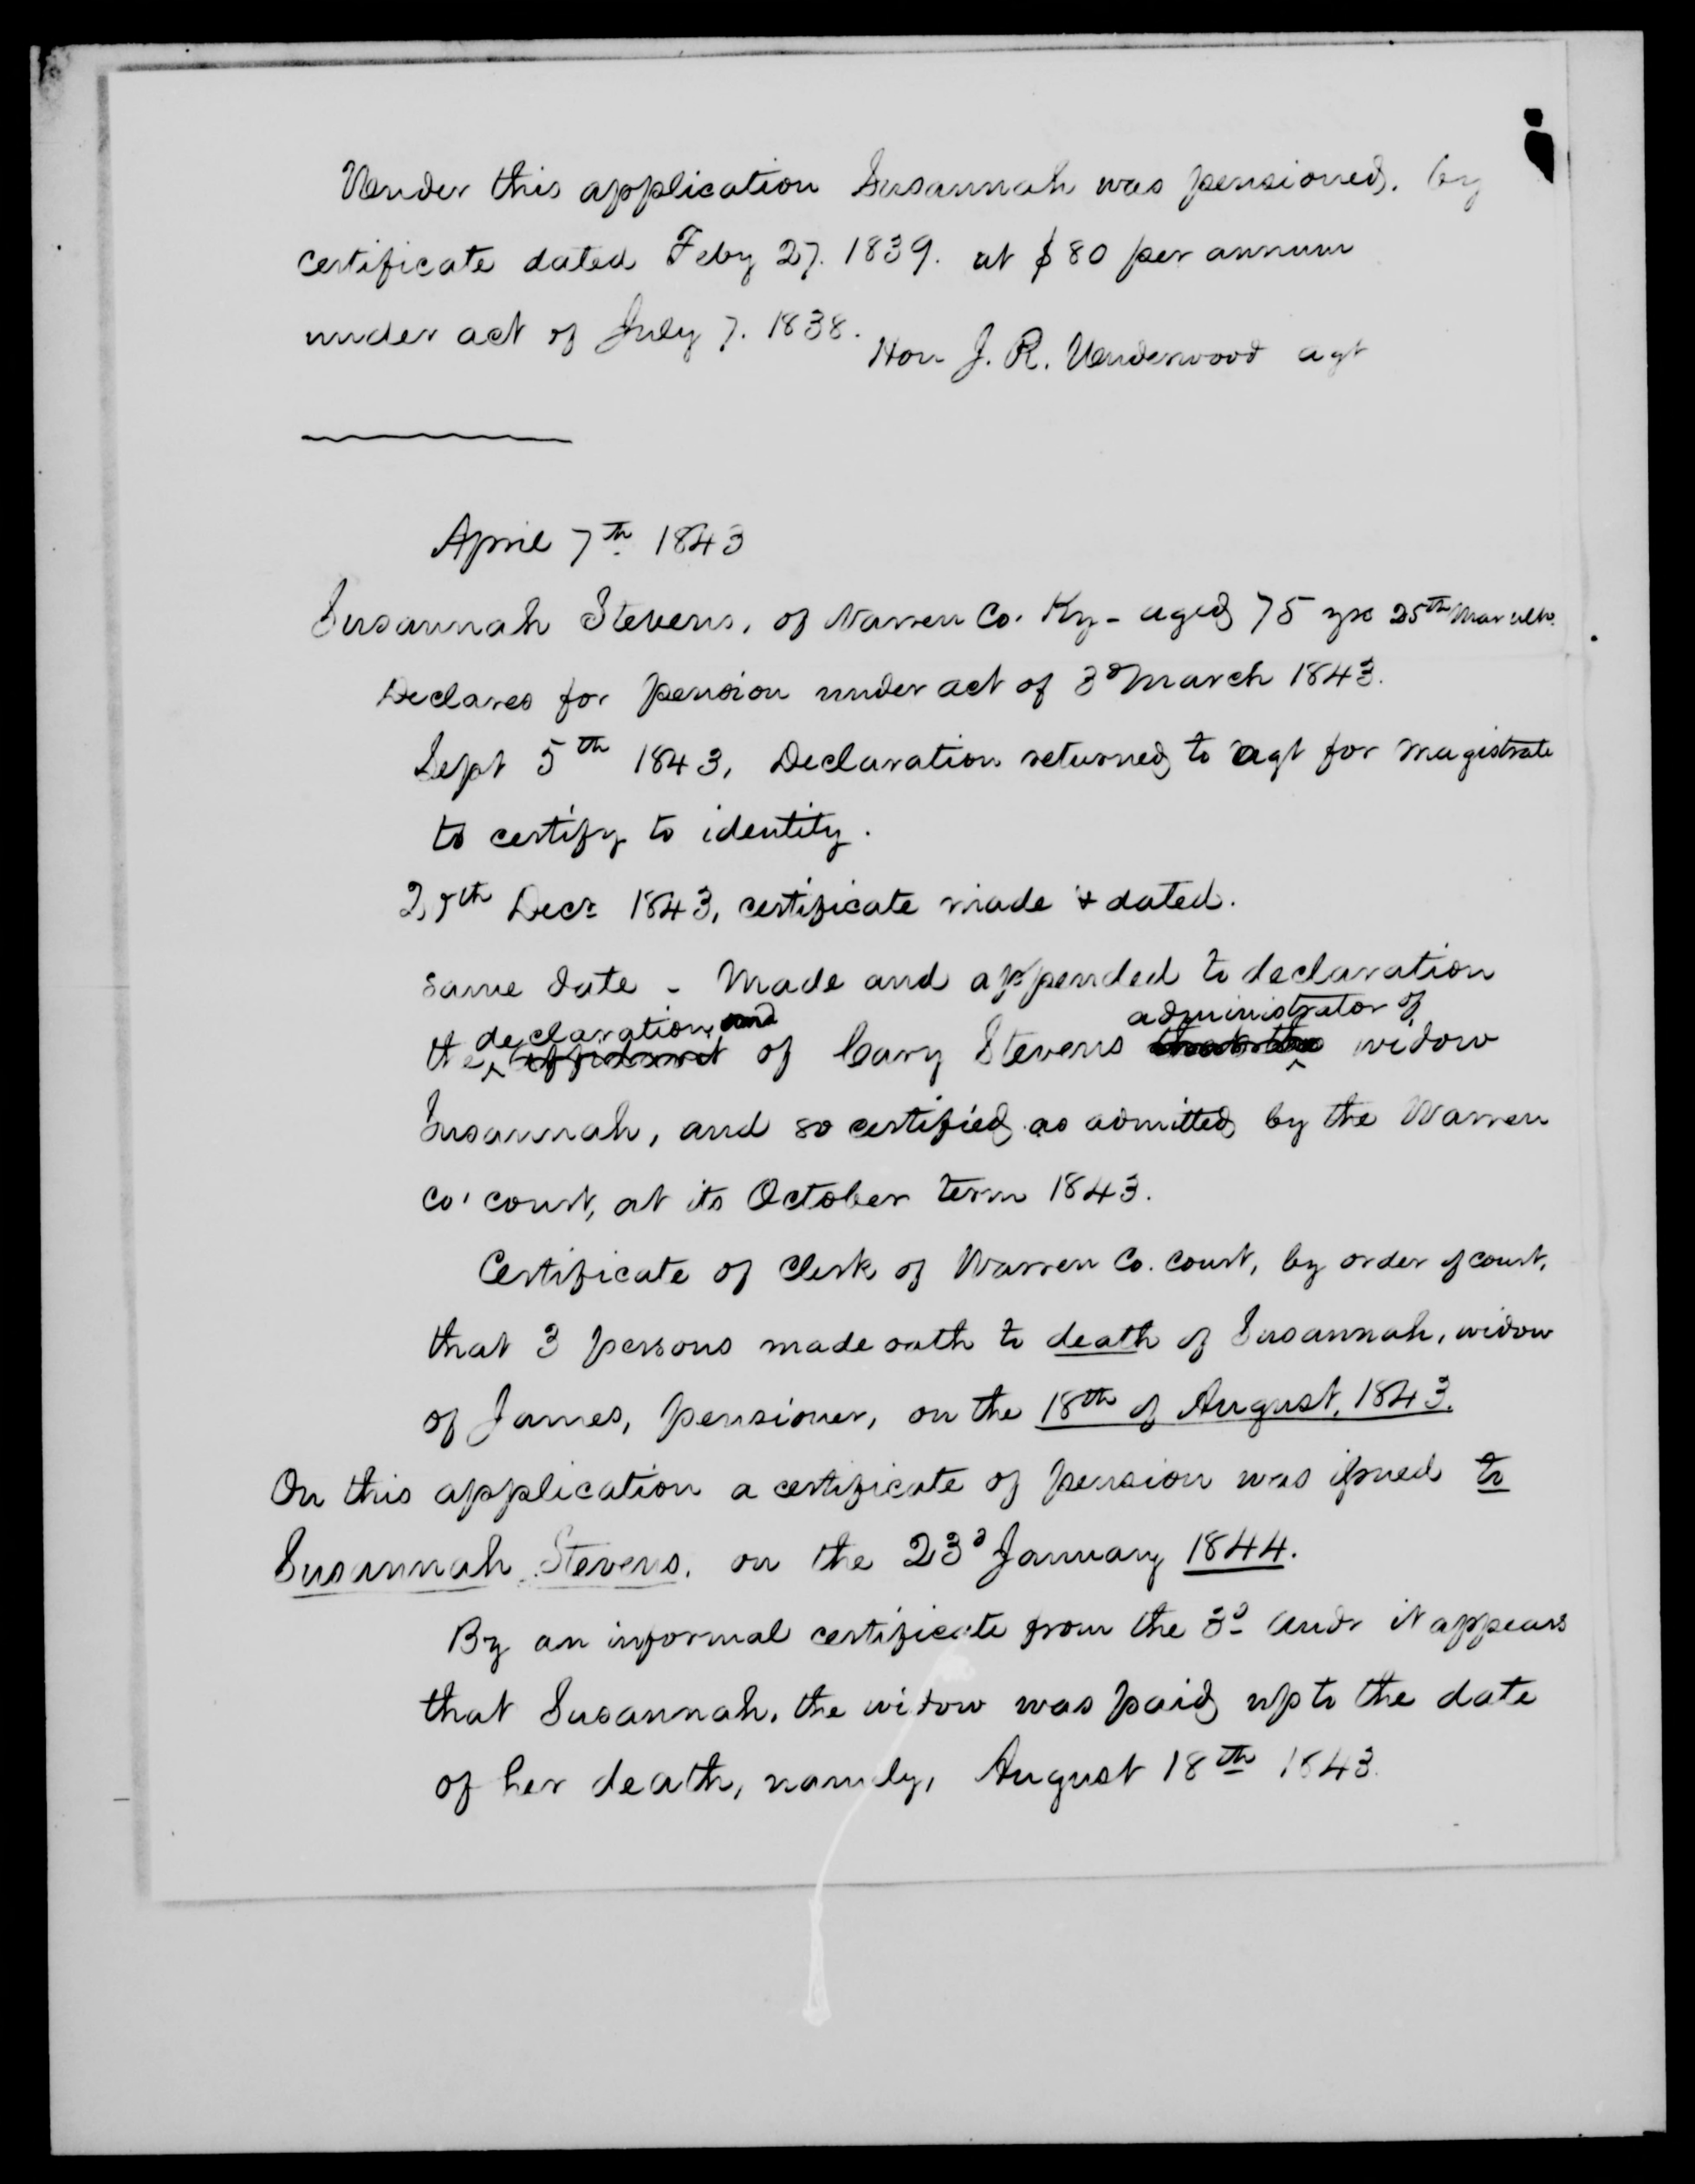Under this application Susannah was pensioned by
certificate dated Feby 27. 1839 at $80 per annum
under act of July 7, 1838. 
Hon J.R. Underwood Agt
April 7th 1843
Susannah Stevens, of Warren Co. Ky. aged 75 yrs 25th March
Declares for pension under act of 3 March 1843.
Sept 5th 1843, Declaration returned to Agt for magistrate
to certify to identity.
20th Dec 1843, certificate made & dated.
Same date - Made and appended to declaration the declaration
of Cary Stevens administrator of widow Susannah, and so certified as admitted by the Warren Co. Court at its October term 1843.
Certificate of Clerk of Warren Co. Court, by order of Court,
that 3 persons made oath to death of Susannah, widow
of James, pensioner, on the 18th of August, 1843.
On this application a certificate of pension was issued to
Susannah Stevens on the 23d January 1844.
By an informal certificate from the 3d and it appears
that Susannah, the widow was paid up to the date
of her death, namely, August 18th 1843.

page: 98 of 99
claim: widow's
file: W 8766, for James Stevens, Virginia